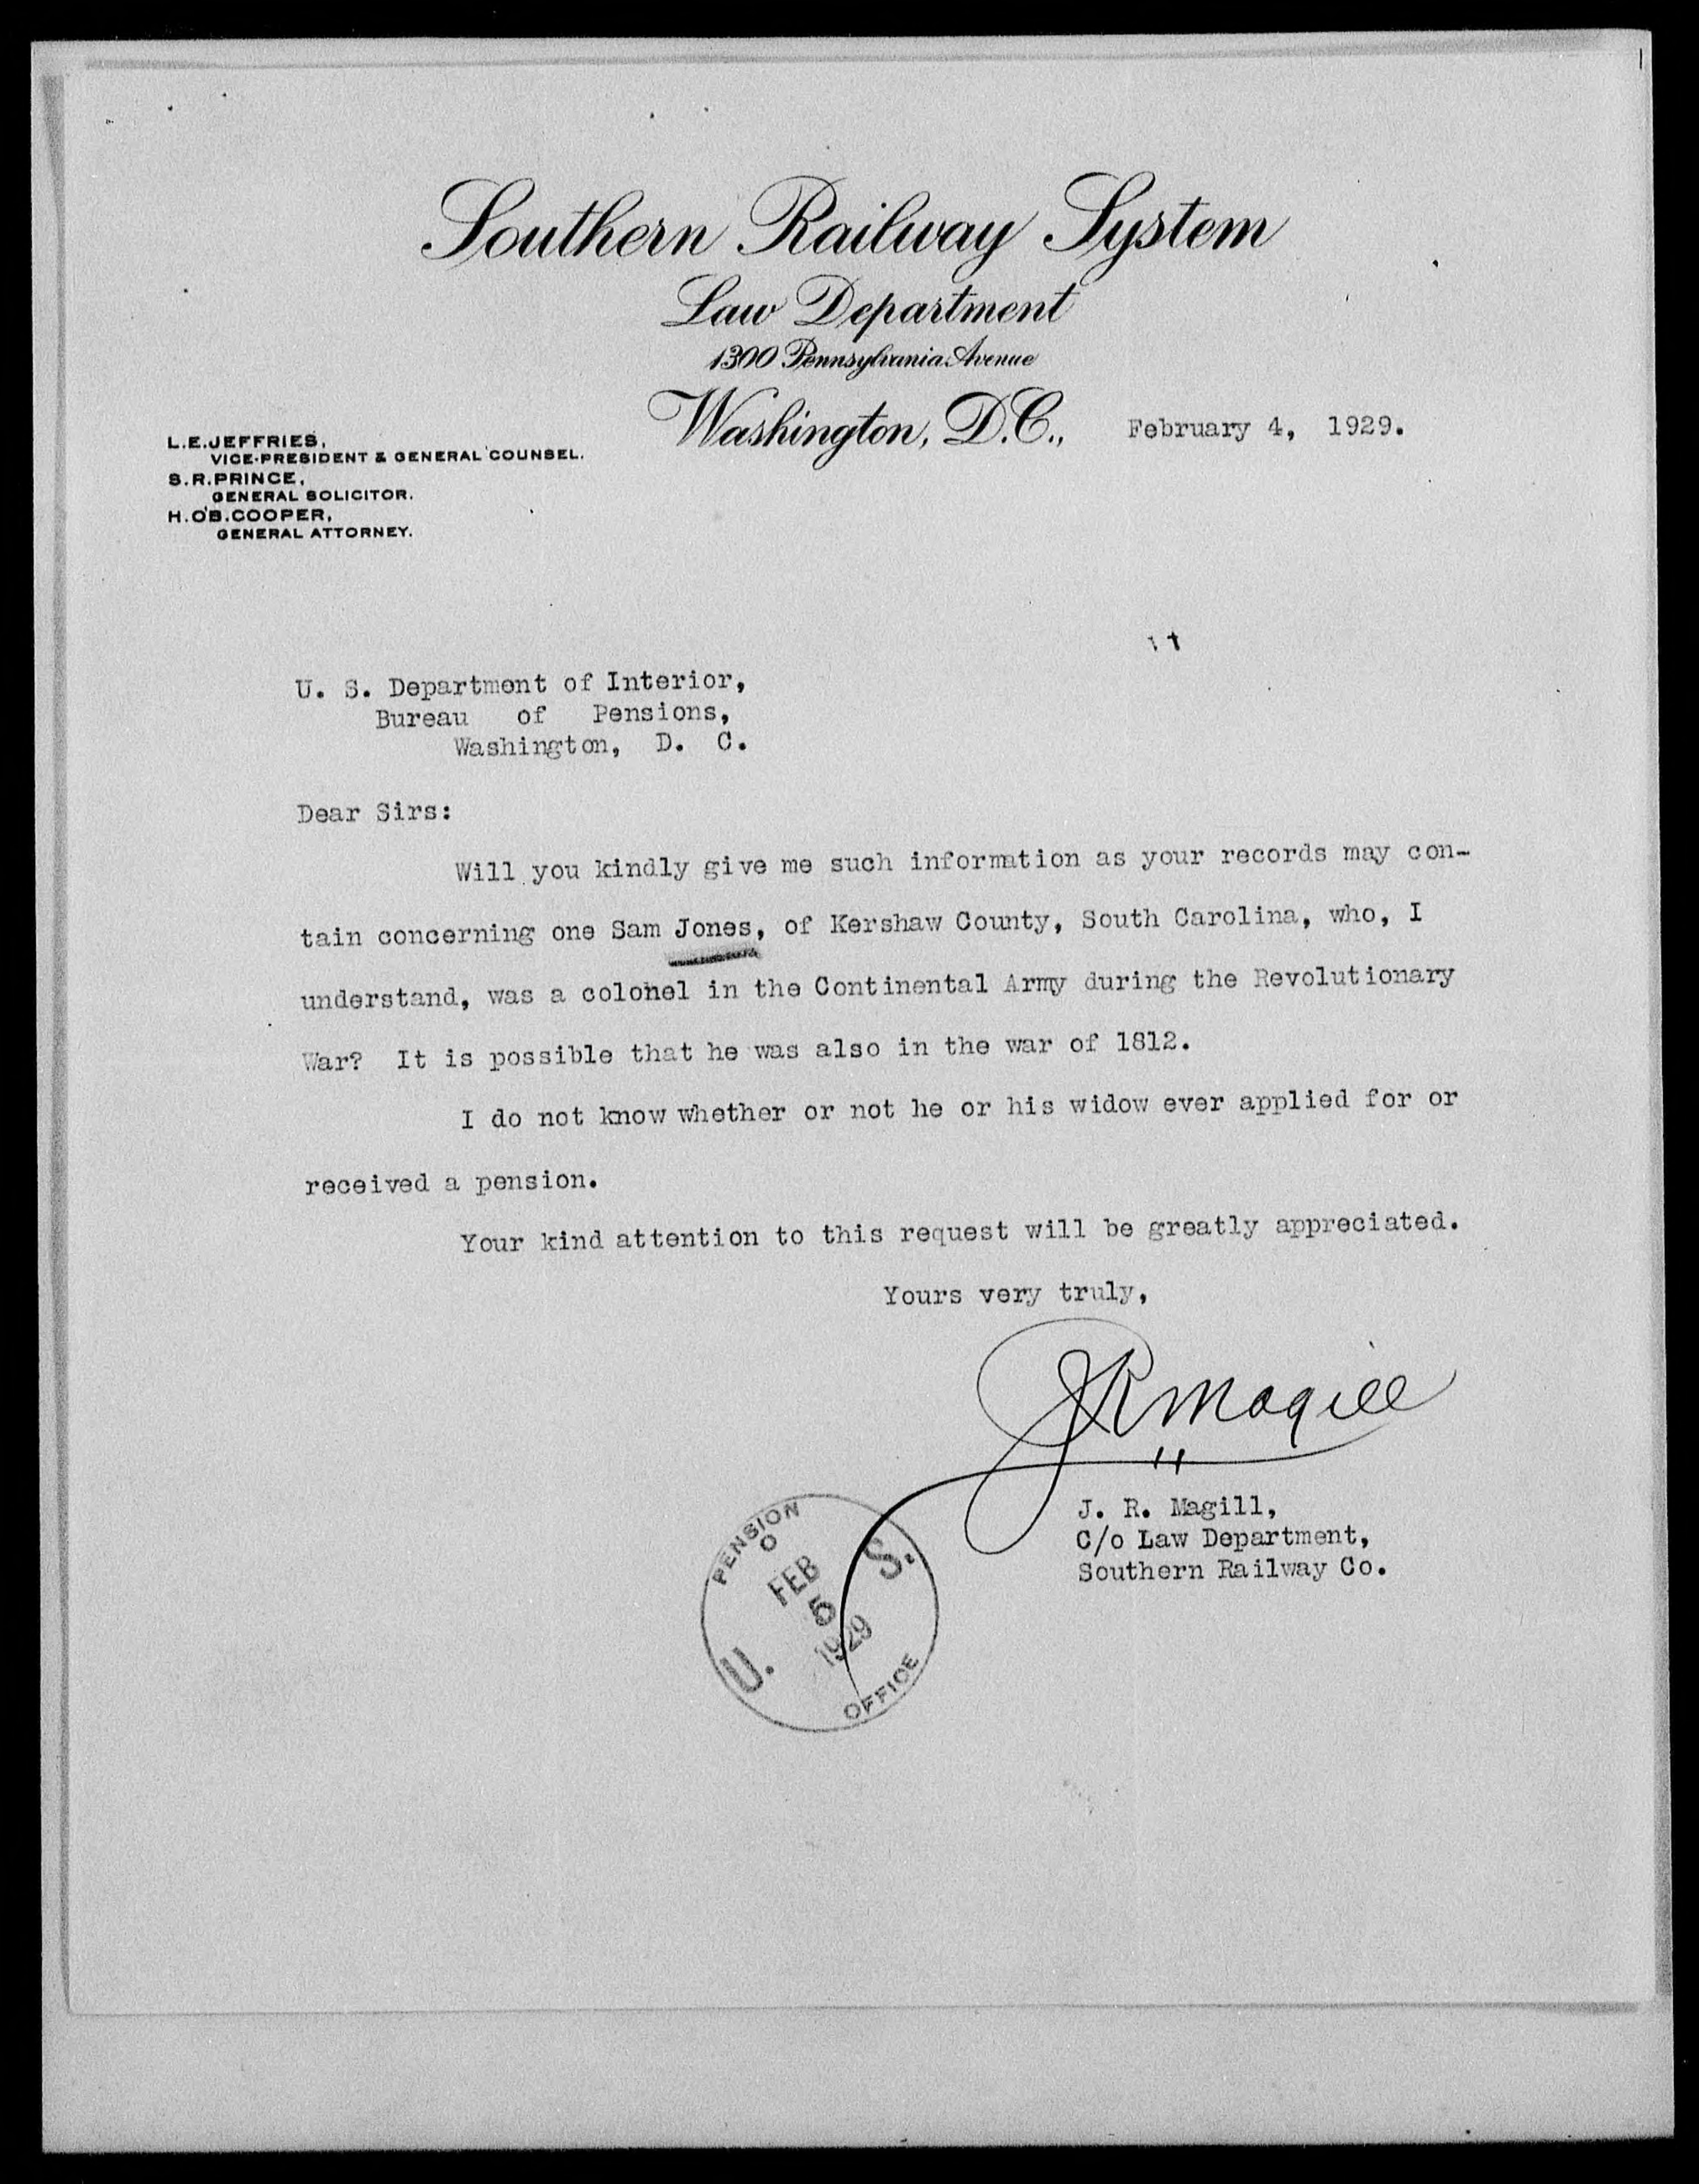Southern Railway System 
Law Department 
1300 Pennsylvania Avenue
Washington, D.C. 
LE. JEFFRIES, VICE-PRESIDENT & GENERAL COUNSEL. 
B. R. PRINCE. GENERAL SOLICITOR. 
H. O'S.. COOPER, GENERAL ATTORNEY. 
February 4, 1929
U. S. Department of Interior, Bureau of Pensions, Washington, D. C.
Dear Sirs:  Will you kindly give me such information as your records may contain concerning one Sam Jones, of Kershaw County, South Carolina, who, I understand, was a colonel in the Continental Army during the Revolutionary War ? It is possible that he was also in the war of 1812. I do not know whether or not he or his widow ever applied for or received a pension. Your kind attention to this request will be greatly appreciated. Yours very truly, JR magill J. R. Magill, C / o Law Department, Southern Railway Co.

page: 22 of 28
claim: survivor's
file: S. 21844, for Samuel Jones, South Carolina